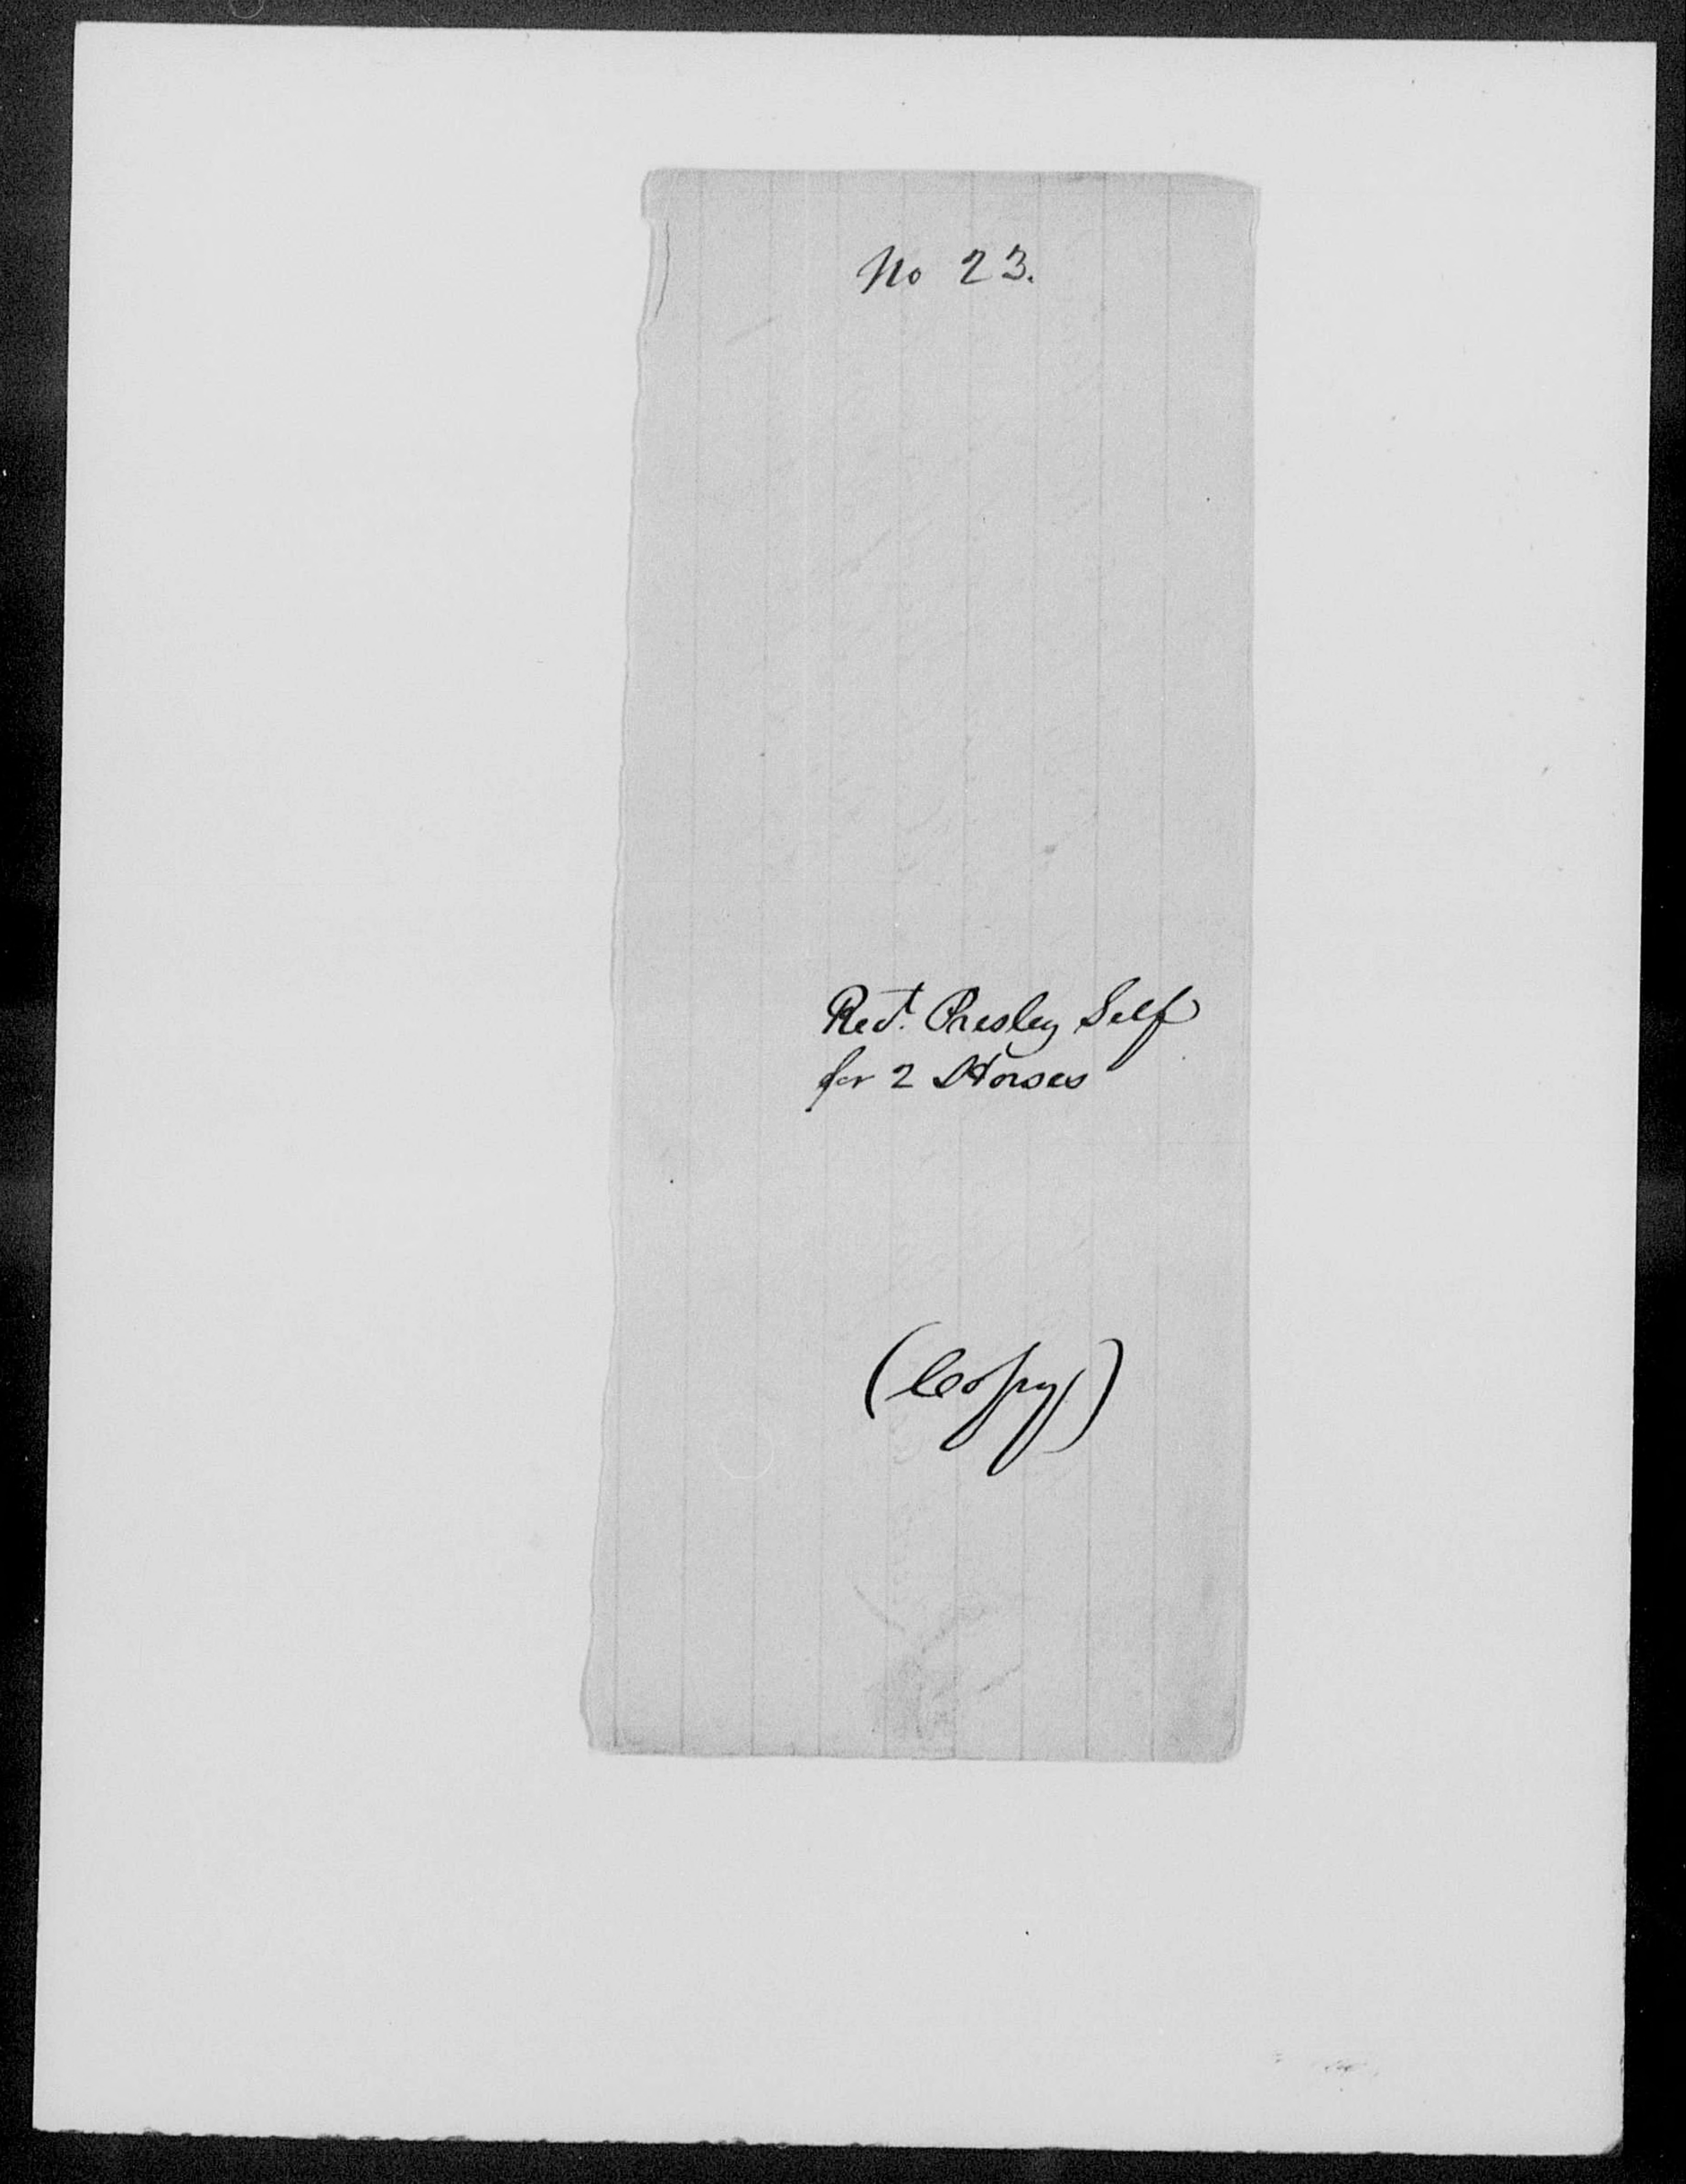No  23.


Rect. Presley Self for 2 Horses


(copy)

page: 44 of 267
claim: widow's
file: W. 4,149, William Campbell, Va.